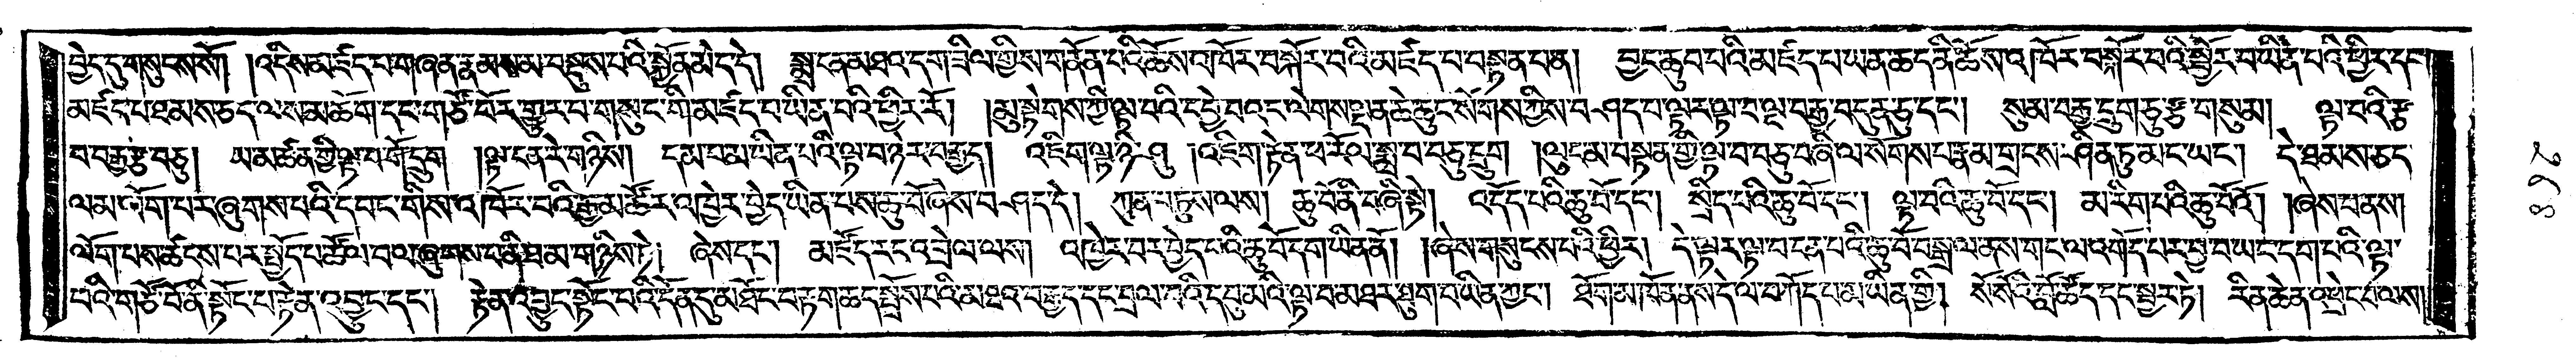བྱེད་དུ་གསུངས་སོ། །འདིས་མཛད་པ་གཞན་རྣམས་མ་བསྡུས་པའི་སྐྱོན་མེད་དོ། སྨྲ་ངན་མཐའ་དག་ཟིལ་གྱིས་གནོན་པའི་ཆོས་འཁོར་བསྐོར་བའི་མཛད་པ་བསྟན་པ་ན། བྱང་ཆུབ་པའི་མཛད་པ་ཡན་ཆད་ནི་ཆོས་འཁོར་བསྐོར་བའི་སྦྱོར་བ་ཡིན་པའི་ཕྱིར་དང་།
མཛད་པ་ཐམས་ཅད་ལས་མཆོག་དང་གཙོ་བོར་གྱུར་པ་གསུང་གི་མཛད་པ་ཡིན་པའི་ཕྱིར་རོ། །མུ་སྟེགས་ཀྱི་ལྟ་བའི་དབྱེ་བའང་ལེགས་ལྡན་ཆེ་ཆུང་སོགས་ཀྱིས་བཤད་པ་ལྔར་ལྟ་བ་ལྔ་བརྒྱ་བདུན་ཅུ་དང་། སུམ་བརྒྱ་དྲུག་ཅུ་རྩ་གསུམ། ལྟ་བའི་རྩ་
བ་བརྒྱ་རྩ་བཅུ། ཡ་མཚན་གྱི་ལྟ་བ་གོ་དྲུག། ལྟ་ངན་རེ་གཉིས། དམ་པ་མ་ཡིན་པའི་ལྟ་བ་ཉེར་བརྒྱད། འཇིག་ལྟ་ཉི་ཤུ་འཇིག་རྟེན་ཕ་རོལ་སྨྲ་བ་བཅུ་དྲུག །ལུང་མ་བསྟན་གྱི་ལྟ་བ་བཅུ་བཞི་ལ་སོགས་པ་རྣམ་གྲངས་ཤིན་ཏུ་མང་ཡང་། དེ་ཐམས་ཅད་
ལམ་ལོག་པར་ཞུགས་པའི་དཔུང་གིས་འཁོར་བའི་རྒྱ་མཚོར་ལ་འཁྱེར་བྱེད་ཡིན་པས་ཆུ་བོ་ཞེས་བཤད་དེ། ཀུན་བཏུས་ལས། ཆུ་བོ་ནི་བཞི་སྟེ། འདོད་པའི་ཆུ་བོ་དང་། སྲིད་པའི་ཆུ་བོ་དང་། ལྟ་བའི་ཆུ་བོ་དང་། མ་རིག་པའི་ཆུ་བོའོ། །ཞེས་པ་ནས།
ལོག་བས་ཚངས་བར་སྤྱོད་པ་ཚོལ་བ་ལ་ཞུགས་པ་ནི་ཐ་མ་གཉིས་ཏེ། ཞེས་དང་། མཛོད་རང་འགྲེལ་ལས། འཁྱེར་བར་བྱེད་པའི་ཆུ་བོ་དག་ཡིན་ནོ། །ཞེས་གསུངས་པའི་ཕྱིར། དེ་ལྟར་ལྟ་བ་ངན་པའི་ཆུ་བོ་བསྒྲལ་ནས་གང་ལ་འགོད་པར་བྱ་བ་ཡང་དག་པའི་ལྟ་
བའི་གཙོ་བོ་ནི་སྟོང་པ་རྟེན་འབྱུང་དང་། རྟེན་འབྱུང་སྟོང་པའི་དོན་དུ་མཐོང་བརྟག་ཆད་སྤྲོས་པའི་མཐའ་བརྒྱད་དང་བྲལ་བའི་དབུ་མའི་ལྟ་བ་མཐར་ཐུག་པ་ཡིན་ཀྱང་། ཐོག་མ་ཁོ་ན་ནས་དེ་ལ་བཀོད་པ་མོ་ཡིན་གྱི། སོ་སོའི་བློ་ཚོད་དང་སྦྱར་ཏེ། རིན་ཆེན་འཕྲེང་བ་ལས།